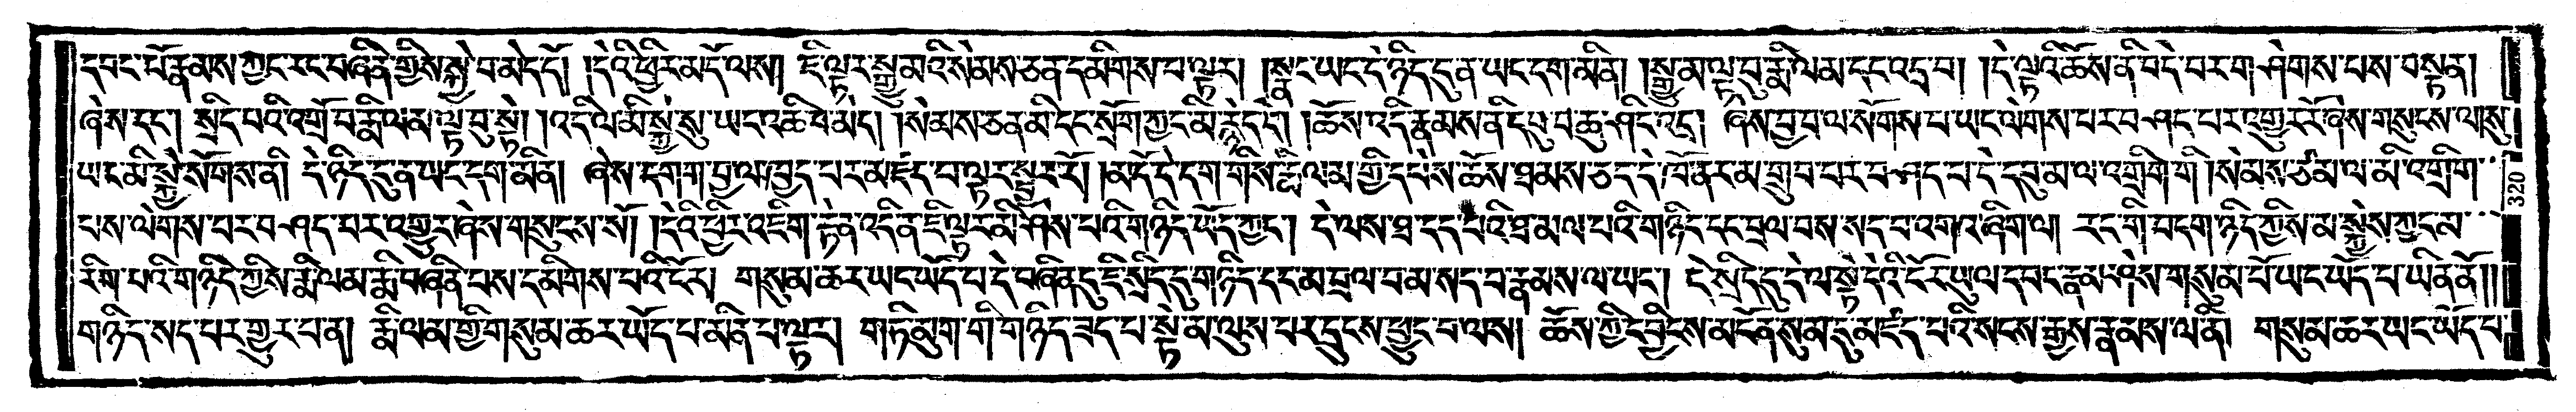དབང་པོ་རྣམས་ཀྱང་རང་བཞིན་གྱིས་སྐྱེ་བ་མེད་དོ། །དེའི་ཕྱིར་མདོ་ལས། ཇི་ལྟར་སྒྱུ་མའི་སེམས་ཅན་དམིགས་པ་ལྟར། །སྣང་ཡང་དེ་ཉིད་དུ་ན་ཡང་དག་མིན། །སྒྱུ་མ་ལྟ་བུ་རྨི་ལམ་དང་འདྲ་བ། །དེ་ལྟའི་ཆོས་ནི་བདེ་བར་གཤེགས་པས་བསྟན།
ཞེས་དང་། སྲིད་པའི་འགྲོ་བ་རྨི་ལམ་ལྟ་བུ་སྟེ། །འདི་ལ་མི་སྐྱེ་སུ་ཡང་འཆི་བ་མེད། །སེམས་ཅན་མི་དང་སྲོག་ཀྱང་མི་རྙེད་དེ། །ཆོས་འདི་རྣམས་ནི་དབུ་བ་ཆུ་ཤིང་འདྲ། ཞེས་བྱ་བ་ལ་སོགས་པ་ཡང་ལེགས་པར་བཤད་པར་འགྱུར་རོ་ཞེས་གསུངས་ལ། སུ་
ཡང་མི་སྐྱེ་སོགས་ནི། དེ་ཉིད་དུ་ན་ཡང་དག་མིན། ཞེས་དགག་བྱ་ལ་ཁྱད་པར་མཛད་པ་ལྟར་སྦྱར་རོ། །མདོ་དེ་དག་གིས་རྨི་ལམ་གྱི་དཔེས་ཆོས་ཐམས་ཅད་དེ་ཁོ་ནར་མ་གྲུབ་པར་བཤད་པ་དེ་དབུ་མ་ལ་འགྲིག་གི །སེམས་ཙམ་ལ་མི་འགྲིགས་
པས་ལེགས་པར་བཤད་པར་འགྱུར་ཞེས་གསུངས་སོ། །དེའི་ཕྱིར་འཇིག་རྟེན་འདི་ན་ཇི་ལྟར་མི་ཤེས་པའི་གཉིད་ཡོད་ཀྱང་། དེ་ལས་ཐ་དད་པའི་ཐ་མལ་བའི་གཉིད་དང་བྲལ་བས་སད་པ་འགའ་ཞིག་ལ། རང་གི་བདག་ཉིད་ཀྱིས་མ་སྐྱེས་ཀྱང་མ་
རིག་པའི་གཉིད་ཀྱིས་རྨི་ལམ་རྨི་བཞིན་པས་དམིགས་པའི་ངོར། གསུམ་ཆར་ཡང་ཡོད་པ་དེ་བཞིན་དུ་ཇི་སྲིད་དུ་གཉིད་དང་མ་བྲལ་བ་མ་སད་པ་རྣམས་ལ་ཡང་། དེ་སྲིད་དུ་དེ་ལ་སྟེ་དེའི་ངོར་ཡུལ་དབང་རྣམ་ཤེས་གསུམ་པོ་ཡང་ཡོད་པ་ཡིན་ནོ།།
གཉིད་སད་པར་གྱུར་པ་ན། རྨི་ལམ་གྱི་གསུམ་ཆར་ཡོད་པ་མིན་པ་ལྟར། གཏི་མུག་གི་གཉིད་ཟད་པ་སྟེ་མ་ལུས་པར་དྲུངས་ཕྱུང་བ་ལས། ཆོས་ཀྱི་དབྱིངས་མངོན་སུམ་དུ་མཛད་པའི་སངས་རྒྱས་རྣམས་ལ་ནི། གསུམ་ཆར་ཡང་ཡོད་པ་